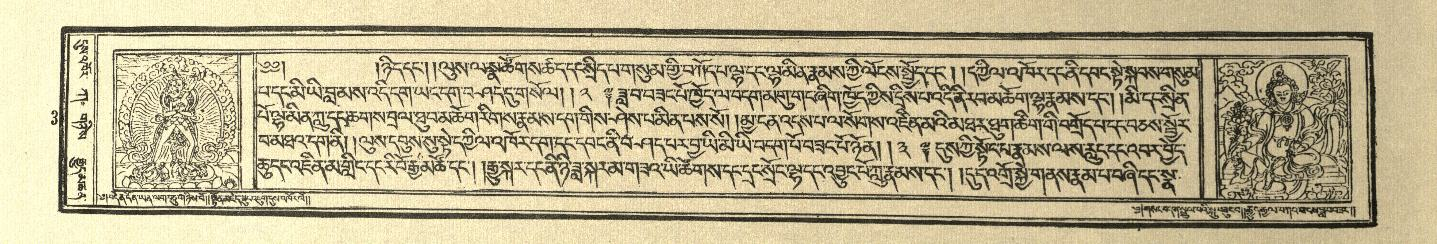༄༅། །ཉིད་དང་། །ལུས་ལ་སྣ་ཚོགས་ཚད་དང་སྲིད་པ་གསུམ་གྱི་བཀོད་པ་ལྷ་དང་ལྷ་མིན་རྣམས་ཀྱི་ལོངས་སྤྱོད་དང་། དཀྱིལ་འཁོར་དང་ནི་དབང་སྟེ་སྐབས་གསུམ་
པ་དང་མི་ཡི་བླ་མས་འདི་དག་ཡང་དག་བཤད་དུ་གསོལ། །༢་~་ཟླ་བ་བཟང་པོ་ཁྱོད་ལ་བདག་མགུ་གང་ཞིག་ཁྱོད་ཀྱིས་དྲིས་པ་འདི་ནི་རབ་མཆོག་ལྷ་རྣམས་དང་། །མི་དང་སྲིན་
པོ་ལྷ་མིན་ཀླུ་དང་ཆགས་བྲལ་ཐུབ་མཆོག་རིགས་རྣམས་དག་གིས་ཤེས་པ་མིན་པས་སོ། །མྱ་ངན་འདས་པ་ལ་སོགས་འཛིན་མའི་མཐར་ཐུག་ཚིག་གི་བགྲོད་པ་དང་བཅས་སྦྱོར་
བ་མཐའ་དག་ནི། །ལུས་དབུས་སུ་སྟེ་དཀྱིལ་འཁོར་དག་དང་དབང་ནི་བཤད་པར་བྱ་ཡི་མི་ཡི་བདག་པོ་བཟང་པོ་ཉོན། །༣་༈ དུས་ཀྱི་སྟོང་པ་རྣམས་ལས་རླུང་དང་འབར་བྱེད་
ཆུ་དང་འཛིན་མ་གླིང་དང་རི་བོ་རྒྱ་མཚོ་དང་། རྒྱུ་སྐར་དང་ནི་ཉི་ཟླ་སྐར་མ་གཟའ་ཡི་ཚོགས་དང་དྲང་སྲོང་ལྷ་དང་འབྱུང་པོ་ཀླུ་རྣམས་དང་། །དུད་འགྲོ་སྐྱེ་གནས་རྣམ་པ་བཞི་དང་སྣ་